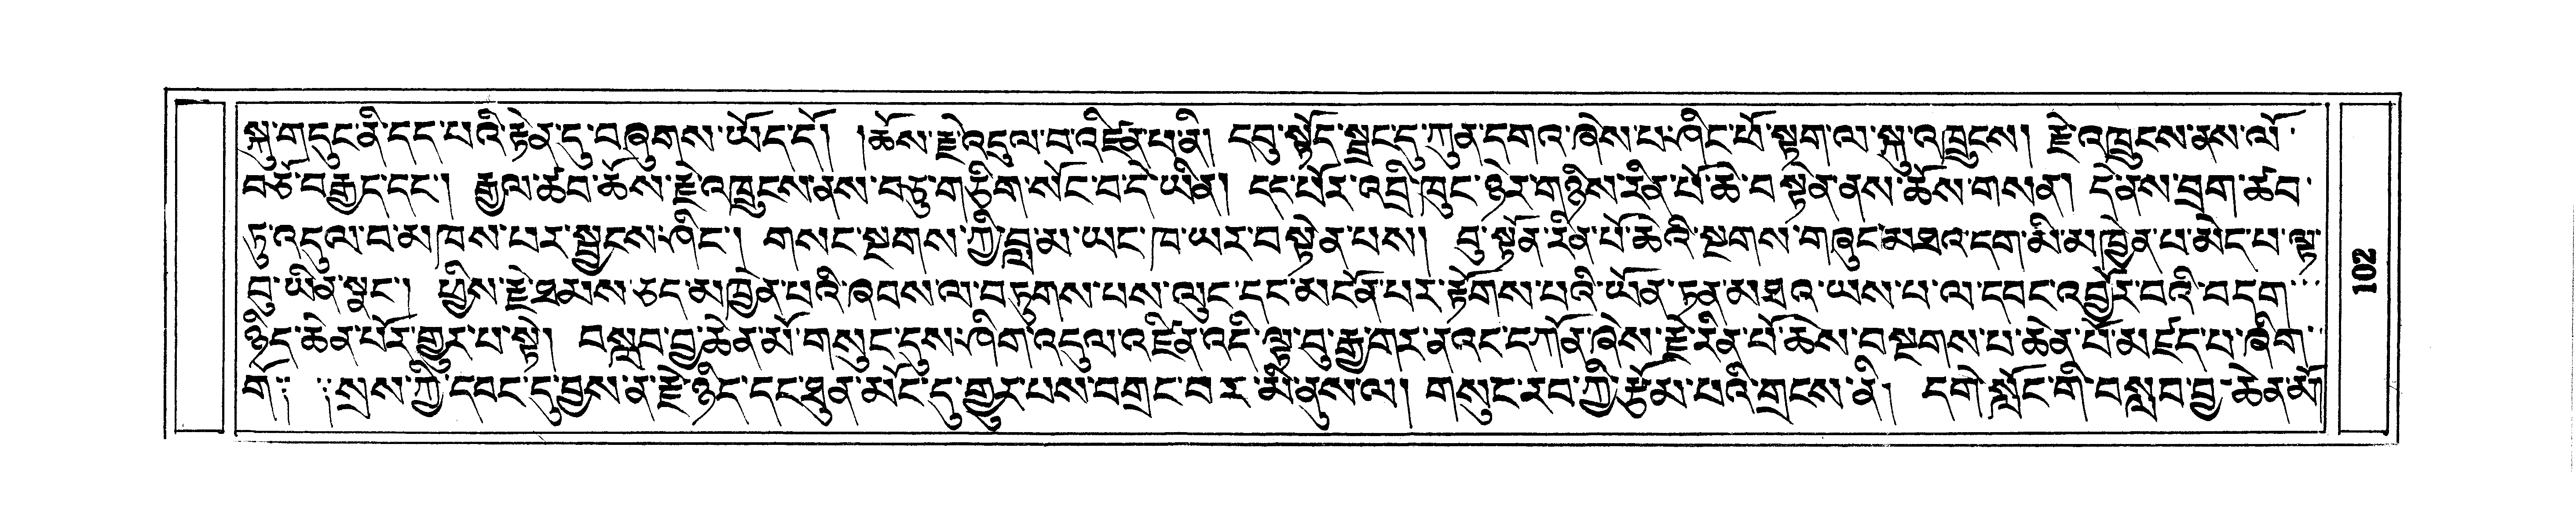སྐུ་གདུང་ནི་དད་པའི་རྟེན་དུ་བཞུགས་ཡོད་དོ། །ཆོས་རྗེ་འདུལ་བ་འཛིན་པ་ནི། དབུ་སྟོད་སྦྲང་དུ་ཀུན་དགའ་ཞེས་པ་ཤིང་ཕོ་སྟག་ལ་སྐུ་འཁྲུངས། རྗེ་འཁྲུངས་ནས་ལོ་
བཅོ་བརྒྱད་དང་། རྒྱལ་ཚབ་ཆོས་རྗེ་འཁྲུངས་ནས་བཅུ་གཅིག་སོང་བ་དེ་ཡིན། དང་པོར་འབྲི་ཁུང་ཉེར་གཉིས་རིན་པོ་ཆེ་བསྟེན་ནས་ཆོས་གསན། དེ་ནས་བྲག་ཚབ་
ཏུ་འདུལ་བ་མཁས་པར་སྦྱངས་ཤིང་། གསང་སྔགས་ཀྱི་བླ་མ་ཡང་ཁ་ཡར་བསྟེན་པས། བུ་སྟོན་རིན་པོ་ཆེའི་སྔགས་གཞུང་མཐའ་དག་མི་མཁྱེན་པ་མེད་པ་ལྟ་
བུ་ཡིན་སྣང་། ཕྱིས་རྗེ་ཐམས་ཅད་མཁྱེན་པའི་ཞབས་ལ་བཏུགས་པས་ལུང་དང་མངོན་པར་རྟོགས་པའི་ཡོན་ཏན་མཐའ་ཡས་པ་ལ་དབང་འབྱོར་བའི་བདག་
ཉིད་ཆེན་པོར་གྱུར་པ་སྟེ། བསླབ་བྱ་ཆེན་མོ་གསུང་དུས་ཤིག་འདུལ་འཛིན་འདི་ལྟ་བུ་རྒྱ་གར་ནའང་དཀོན་ཞེས་རྗེ་རིན་པོ་ཆེས་བསྔགས་པ་ཆེན་པོ་མཛད་པ་ཞིག་
གོ༑ ༑སྲས་ཀྱི་དབང་དུ་བྱས་ན་རྗེ་ཉིད་དང་ཐུན་མོང་དུ་གྱུར་པས་བགྲང་བར་མི་ནུས་ལ། གསུང་རབ་ཀྱི་རྩོམ་པའི་གྲངས་ནི། དགེ་སློང་གི་བསླབ་བྱ་ཆེན་མོ།